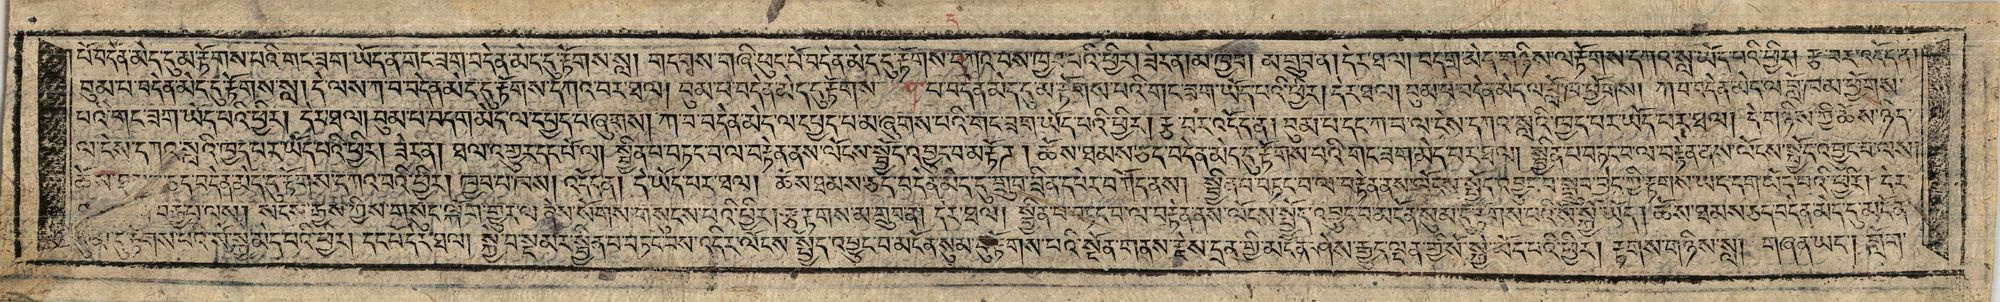པོ་བདེན་མེད་དུ་མ་རྟོགས་པའི་གང་ཟག་ཡོད་ན་གང་ཟག་བདེན་མེད་དུ་རྟོགས་སླ། གདགས་གཞི་ཕུང་པོ་བདེན་མེད་དུ་རྟོགས་དཀའ་བས་ཁྱབ་པའི་ཕྱིར། ཟེར་ན། མ་ཁྱབ། མ་གྲུབ་ན། དེར་ཐལ། བདག་མེད་གཉིས་ལ་རྟོགས་དཀའ་སླ་ཡོད་པའི་ཕྱིར། རྩ་བར་འདོད་ན།
བུམ་པ་བདེན་མེད་དུ་རྟོགས་སླ། དེ་ལས་ཀ་པ་བདེན་མེད་དུ་རྟོགས་དཀའ་བར་ཐལ། བུམ་པ་བདེན་མེད་དུ་རྟོགས་ཀ་པ་བདེན་མེད་དུ་མ་རྟོགས་པའི་གང་ཟག་ཡོད་པའི་ཕྱིར། དེར་ཐལ། བུམ་པ་བདེན་མེད་ལ་བློ་ཁ་ཕྱོགས། ཀ་བ་བདེན་མེད་ལ་བློ་ཁ་མ་ཕྱོགས་
པའི་གང་ཟག་ཡོད་པའི་ཕྱིར། དེར་ཐལ། བུམ་པ་བདག་མེད་ལ་དཔྱད་པ་ཞུགས། ཀ་བ་བདེན་མེད་ལ་དཔྱད་པ་མ་ཞུགས་པའི་གང་ཟག་ཡོད་པའི་ཕྱིར། རྩ་བར་འདོད་ན། བུམ་པ་དང་ཀ་བ་ལ་ངེས་དཀའ་སླའི་ཁྱད་པར་ཡོད་པར་ཐལ། དེ་གཉིས་ཀྱི་ཆོས་ཉིད་
ལ་ངེས་དཀའ་སླའི་ཁྱད་པར་ཡོད་པའི་ཕྱིར། ཟེར་ན། ཐལ་འགྱུར་དང་པོ་ལ། སྦྱིན་པ་བཏང་བ་ལ་བརྟེན་ནས་ལོངས་སྤྱོད་འབྱུང་བ་མ་རྟོགས། ཆོས་ཐམས་ཅད་བདེན་མེད་དུ་རྟོགས་པའི་གང་ཟག་མེད་པར་ཐལ། སྦྱིན་པ་བཏང་བ་ལ་བརྟེན་ནས་ལོངས་སྤྱོད་འབྱུང་བ་ལས་
ཆོས་ཐམས་ཅད་བདེན་མེད་དུ་རྟོགས་དཀའ་བའི་ཕྱིར། ཁྱབ་པ་ཁས། འདོད་ན། དེ་ཡོད་པར་ཐལ། ཆོས་ཐམས་ཅད་བདེན་མེད་དུ་གྲུབ་ཟིན་དཔེར་བཀོད་ནས། སྦྱིན་པ་བཏང་བ་ལ་བརྟེན་ནས་ལོངས་སྤྱོད་འབྱུང་བ་སྒྲུབ་བྱེད་ཀྱི་རྟགས་ཡང་དག་ཡོད་པའི་ཕྱིར། དེར་
ཐལ། གཞི་བརྒྱས་ལས། སངས་རྒྱས་ཀྱིས་གསུམ་ལྐོག་གྱུར་ལ་ཞེས་སོགས་གསུངས་པའི་ཕྱིར། རྩ་རྟགས་མ་གྲུབ་ན། དེར་ཐལ། སྦྱིན་པ་བཏང་བ་ལ་བརྟེན་ནས་ལོངས་སྤྱོད་འབྱུང་བ་མངོན་སུམ་དུ་རྟོགས་པའི་སོ་སྐྱེ་ཡོད་དེ། ཆོས་ཐམས་ཅད་བདེན་མེད་དུ་མངོན་
སུམ་དུ་རྟོགས་པའི་སོ་སྐྱེ་མེད་པའི་ཕྱིར། དང་པོ་དེར་ཐལ། སྐྱེ་བ་སྔ་མར་སྦྱིན་པ་བཏང་བས་འདིར་ལོངས་སྤྱོད་འབྱུང་བ་མངོན་སུམ་དུ་རྟོགས་པའི་སྔོན་གནས་རྗེས་དྲན་གྱི་མངོན་ཤེས་རྒྱུད་ལྡན་གྱི་སོ་སྐྱེ་ཡོད་པའི་ཕྱིར། རྟགས་གཉིས་སླ། གཞན་ཡང་། བློག